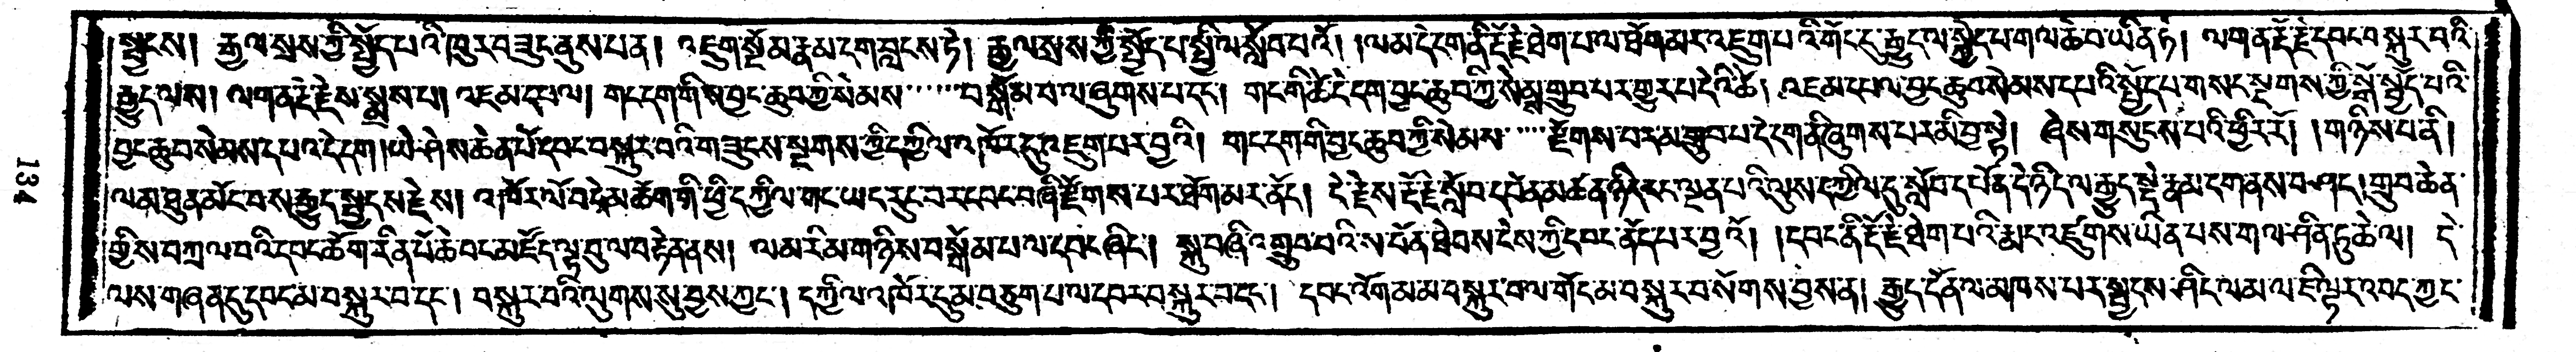སྦྱངས། རྒྱལ་སྲས་ཀྱི་སྤྱོད་པའི་ཁུར་བཟུང་ནུས་པ་ན། འཇུག་སྔོམ་རྣམ་དག་བླངས་ཏེ། རྒྱལ་སྲས་ཀྱི་སྤྱོད་པ་སྤྱི་ལ་སློབ་པའོ། །ལམ་དེ་དག་ནི་རྡོ་རྗེ་ཐེག་པ་ལ་ཐོག་མར་འཇུག་པའི་གོང་དུ་རྒྱུད་ལ་སྐྱེད་པ་གལ་ཆེ་བ་ཡིན་ཏེ། ལག་ན་རྡོ་རྗེ་དབང་བསྐུར་བའི་
རྒྱུད་ལས། ལག་ན་རྡོ་རྗེས་སྨྲས་པ། འཇམ་དཔལ། གང་དག་གིས་བྱང་ཆུབ་ཀྱི་སེམས་བསྒོམ་པ་ལ་ཞུགས་པ་དང་། གང་གི་ཚེ་དེ་དག་བྱང་ཆུབ་ཀྱི་སེམས་གྲུབ་པར་གྱུར་པ་དེའི་ཚེ། འཇམ་དཔལ་བྱང་ཆུབ་སེམས་དཔའི་སྤྱོད་པ་གསང་སྔགས་ཀྱི་སྒོ་སྦྱོད་པའི་
བྱང་ཆུབ་སེམས་དཔའ་དེ་དག། ཡེ་ཤེས་ཆེན་པོ་དབང་བསྐུར་བའི་གཟུངས་སྔགས་ཀྱི་དཀྱིལ་འཁོར་དུ་འཇུག་པར་བྱའི། གང་དག་གི་བྱང་ཆུབ་ཀྱི་སེམས་རྫོགས་པར་མ་གྲུབ་པ་དེ་དག་ནི་ཞུགས་པར་མི་བྱ་སྟེ། ཞེས་གསུངས་པའི་ཕྱིར་རོ། །གཉིས་པ་ནི།
ལམ་ཐུན་མོང་བས་རྒྱུད་སྤྱངས་རྗེས། འཁོར་ལོ་བདེ་མཆོག་གི་ཕྱི་དཀྱིལ་གང་ཡང་རུང་བར་དབང་བཞི་རྫོགས་པར་ཐོག་མར་ནོང་། དེ་རྗེས་རྡོ་རྗེ་སློབ་དཔོན་མཚན་ཉིད་དང་ལྡན་པའི་ལུས་དཀྱིལ་དུ་སློབ་དཔོན་དེ་ཉིད་ལ་རྒྱུད་སྡེ་རྣམ་དག་ནས་བཤད། གྲུབ་ཆེན་
གྱིས་བཀྲལ་བའི་དབང་ཆོག་རིན་པོ་ཆེ་བང་མཛོད་ལྟ་བུ་ལ་བརྟེན་ནས། ལམ་རིམ་གཉིས་བསྒོམ་པ་ལ་དབང་ཞིང་། སྐུ་བཞི་འགྲུབ་པའི་ས་བོན་ཐེབས་ངེས་ཀྱི་དབང་ནོད་པར་བྱའོ། །དབང་ནི་རྡོ་རྗེ་ཐེག་པའི་རྨང་འཛུགས་ཡིན་པས་གལ་ཤིན་ཏུ་ཆེ་ལ། དེ་
ལས་གཞན་དུ་དབང་མ་བསྐུར་བ་དང་། བསྐུར་བའི་ལུགས་སུ་བྱས་ཀྱང་། དཀྱིལ་འཁོར་དུ་མ་བཅུག་པ་ལ་དབར་བསྐུར་བ་དང་། དབང་འོག་མ་མ་བསྐུར་བ་ལ་གོང་མ་བསྐུར་བ་སོགས་བྱས་ན། རྒྱུད་དོན་ལ་མཁས་པར་སྤྱངས་ཤིང་ལམ་ལ་ཇི་ལྟར་འབད་ཀྱང་